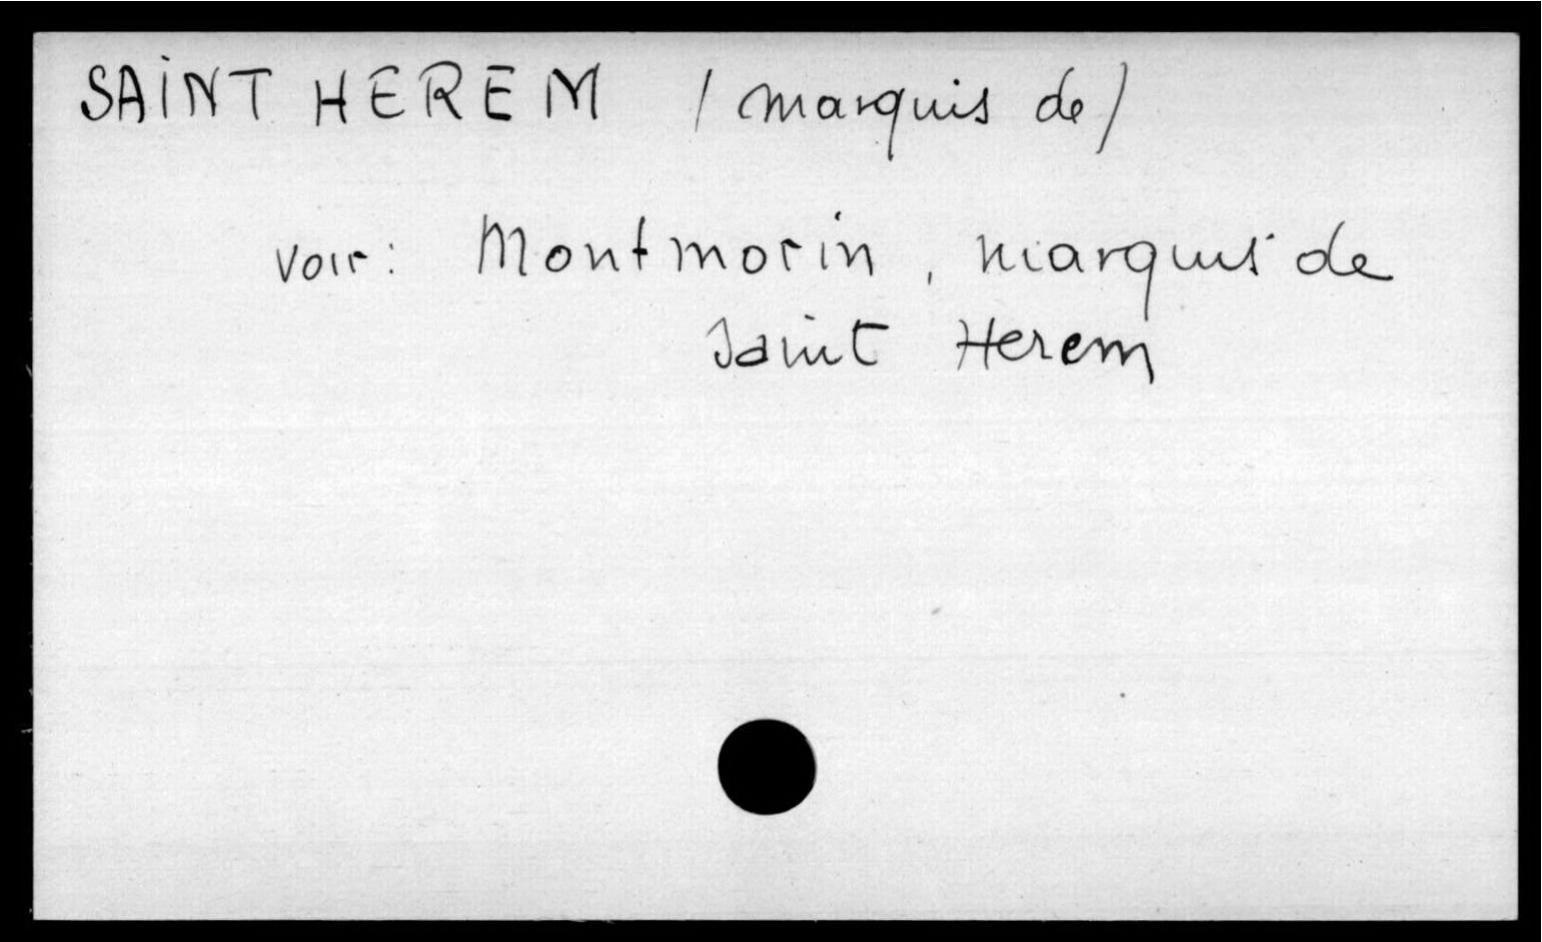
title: SAINT HEREM (Marquis de)
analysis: Voir : Montmorin, marquis de Saint Herem
